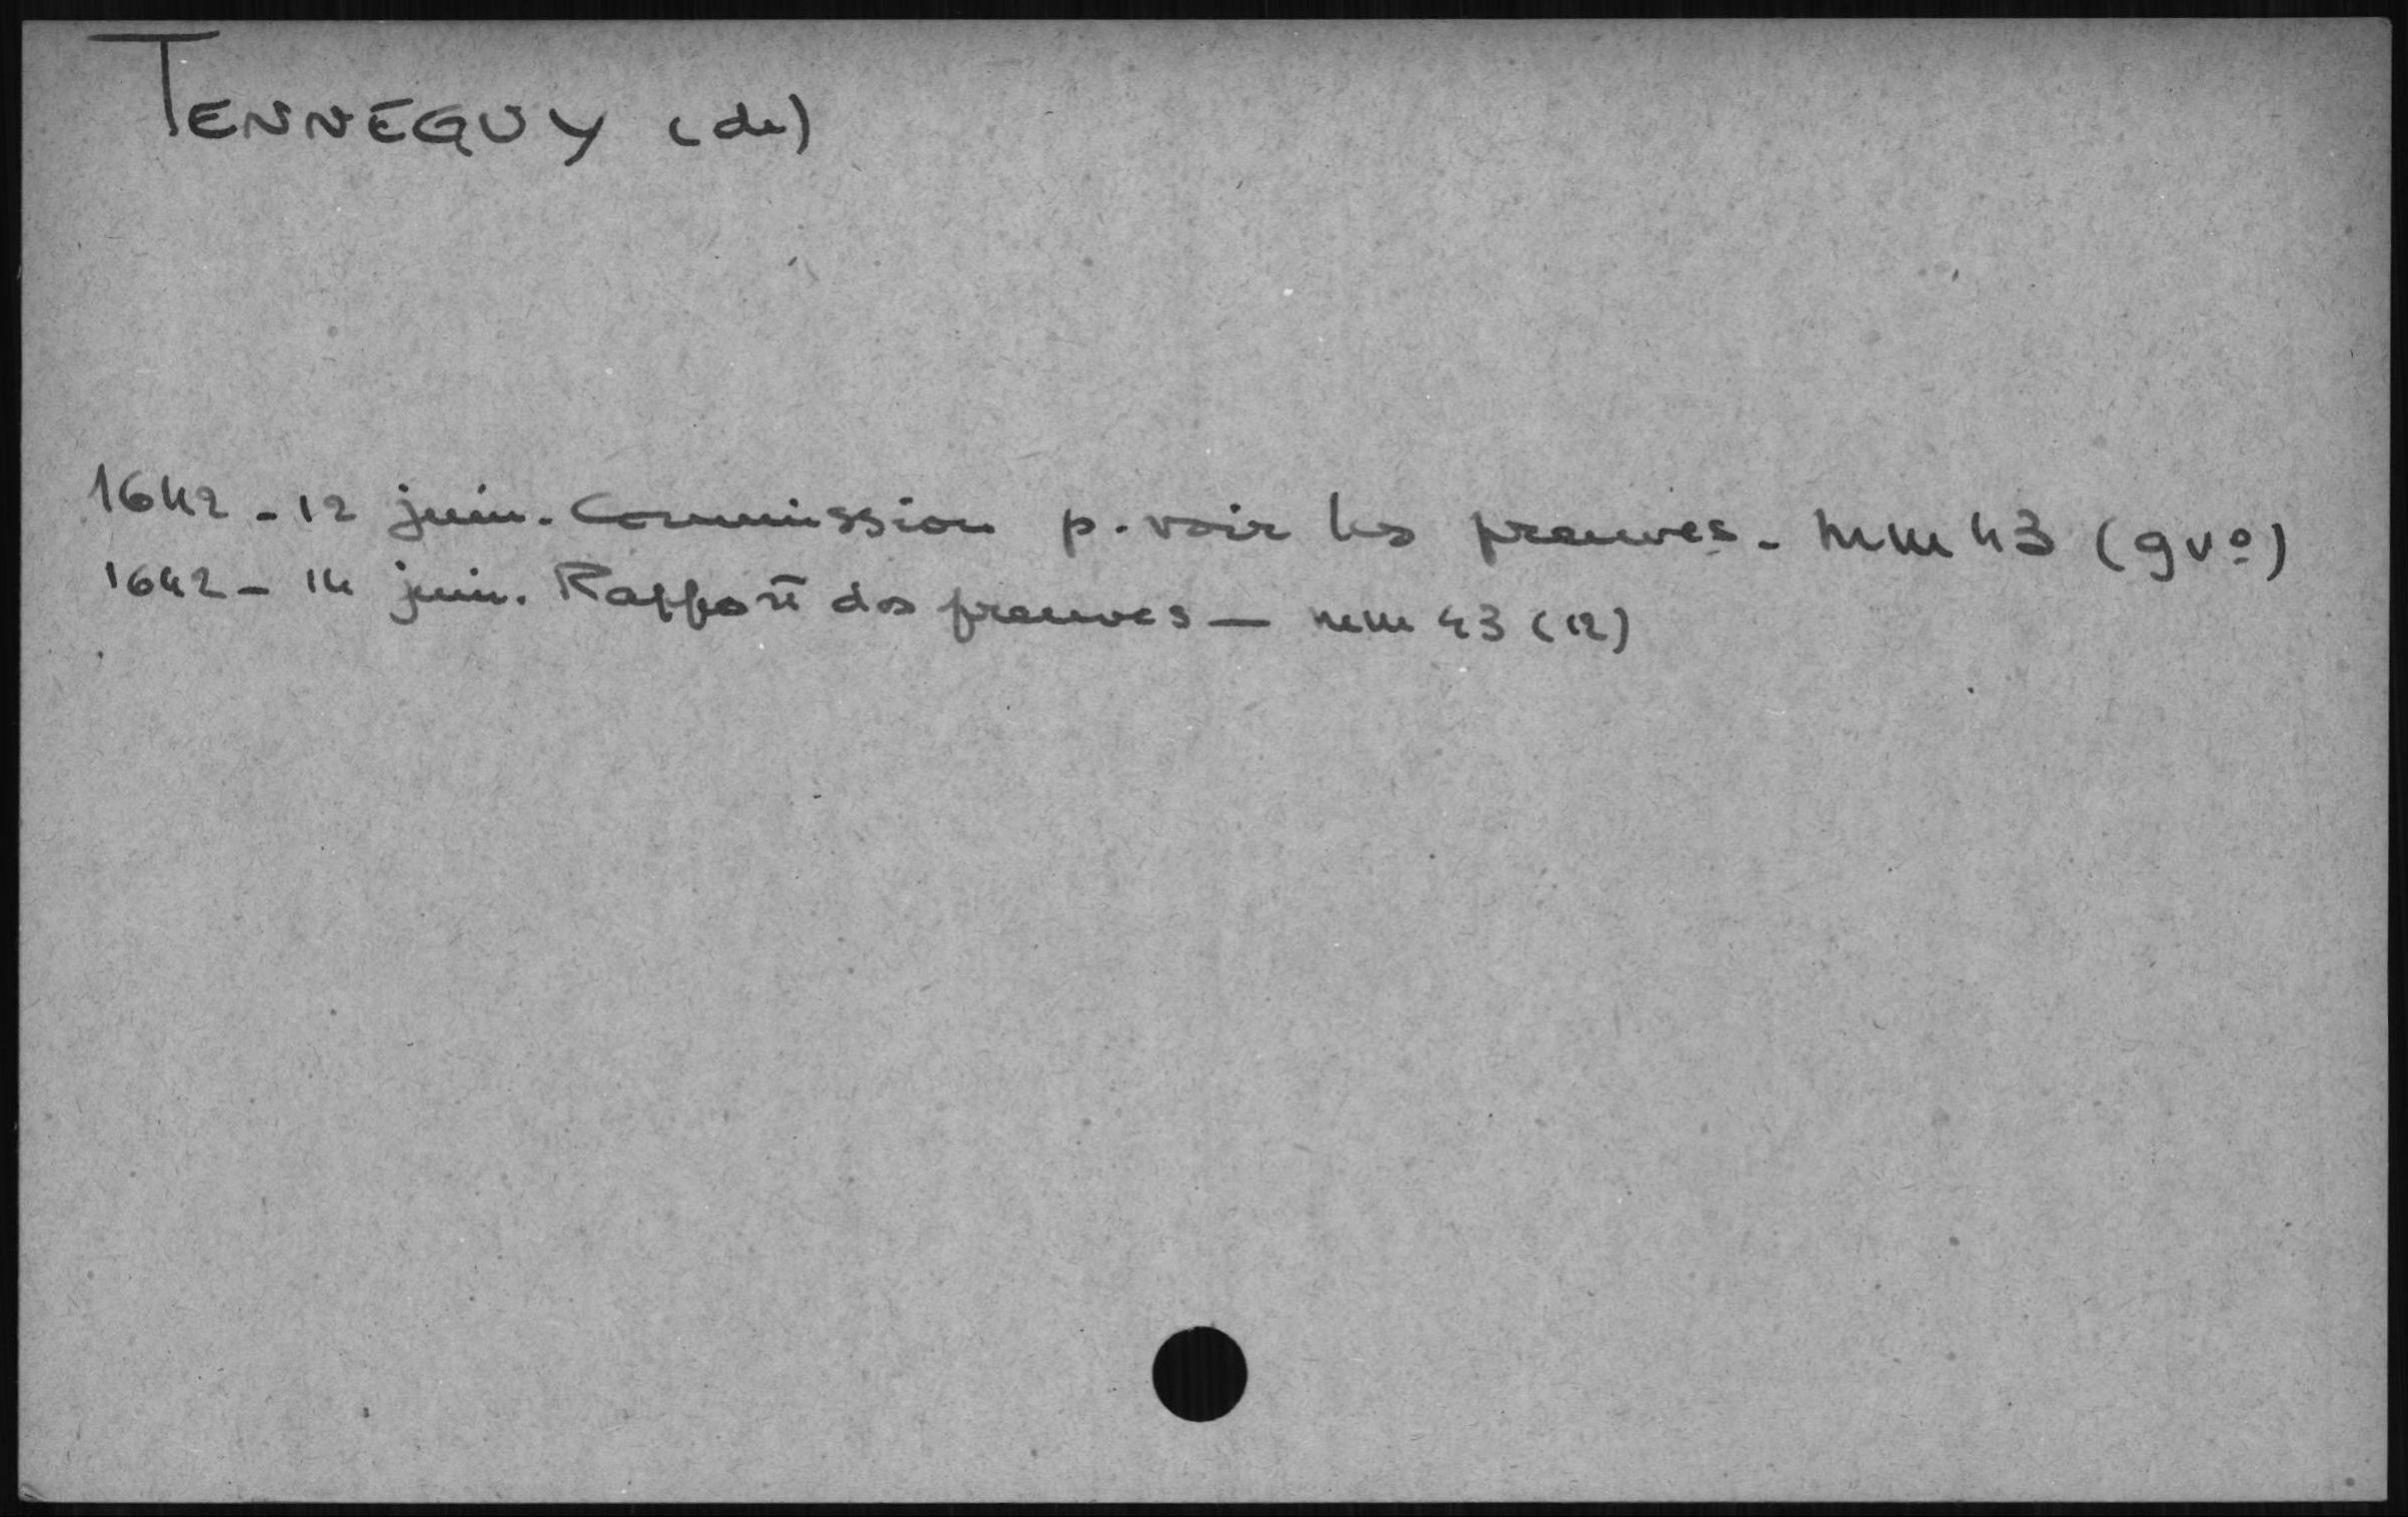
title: TENNEQUY (de)
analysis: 1642, 12 juin. Commission pour voir les preuves. MM 43 (9v) 1642, 14 juin. Rapport des preuves. MM 43 (12)
